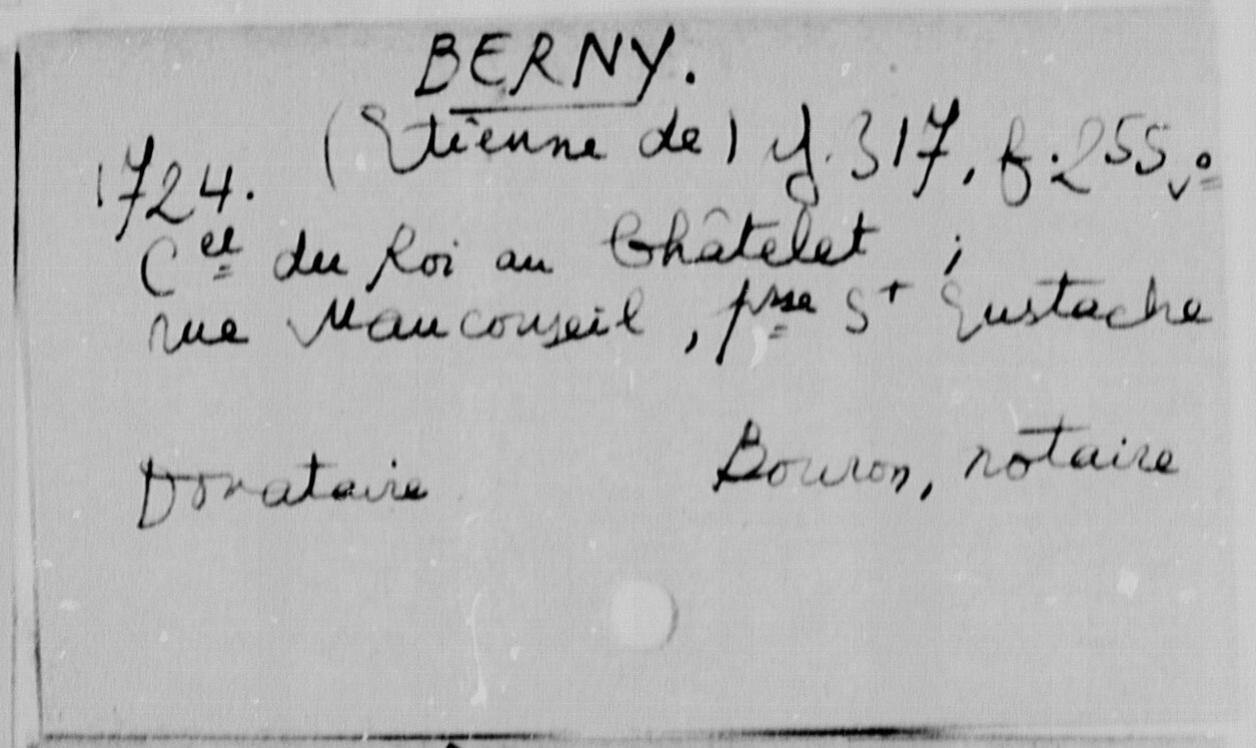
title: BERNY (Étienne de)
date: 1724
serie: Y
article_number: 317
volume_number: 255v
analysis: Conseiller du roi au Châtelet ; rue Mauconseil, paroisse Saint-Eustache Donataire Bouron, notaire
